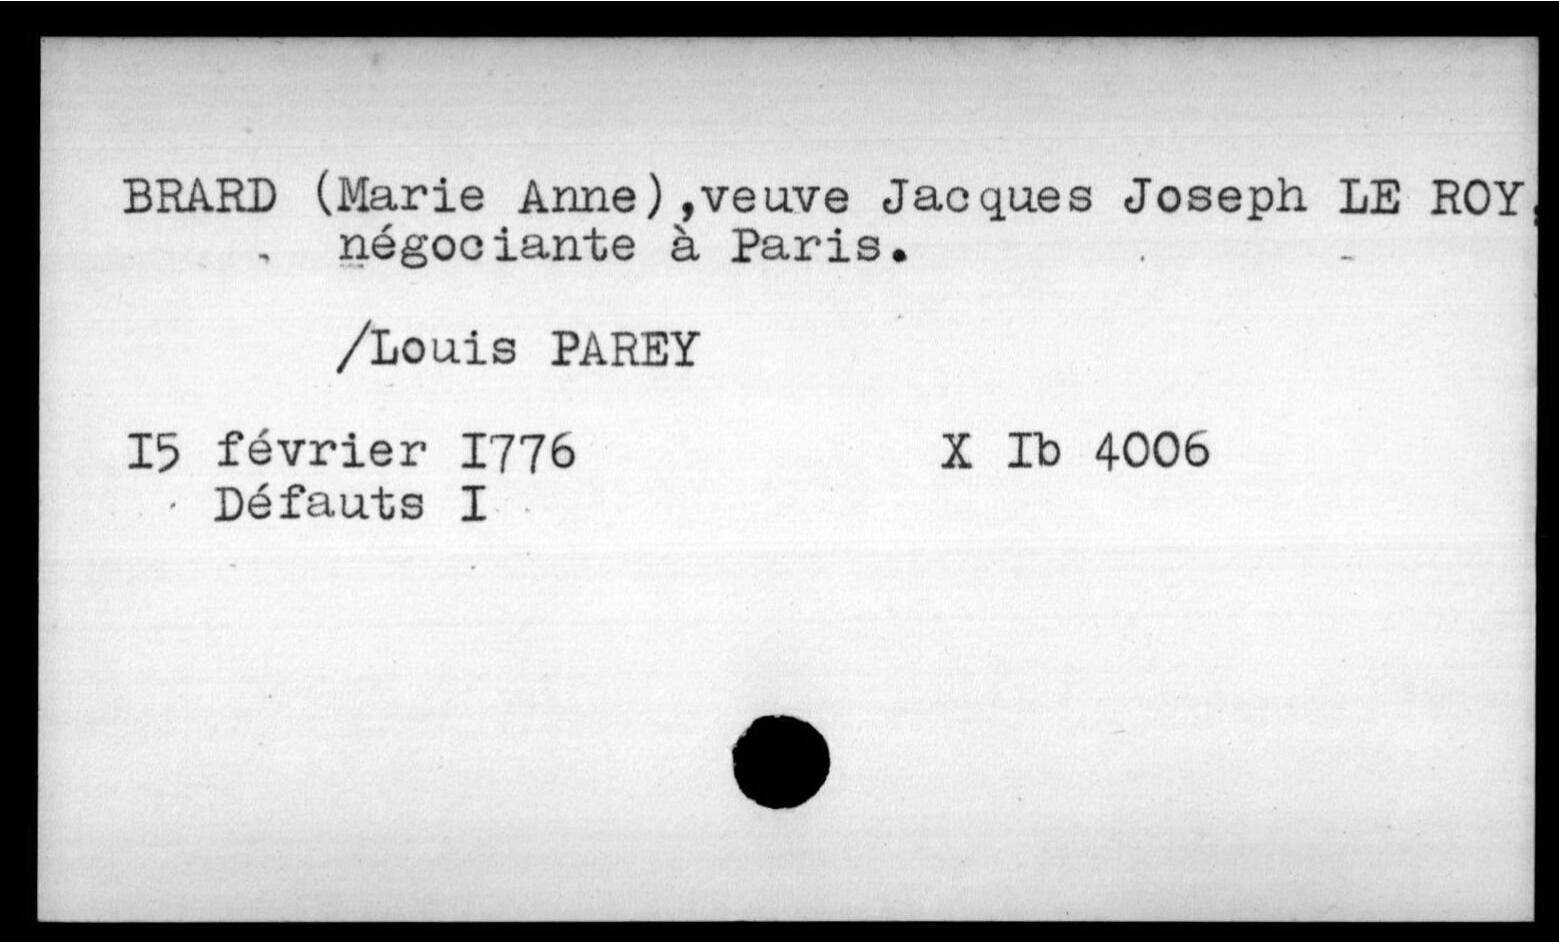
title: BRARD (Marie Anne), veuve Jacques Joseph LE ROY négociante à Paris.
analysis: Contre Louis PAREY
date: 15 février 1776
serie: X1b
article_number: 4006
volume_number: Défauts, 1
